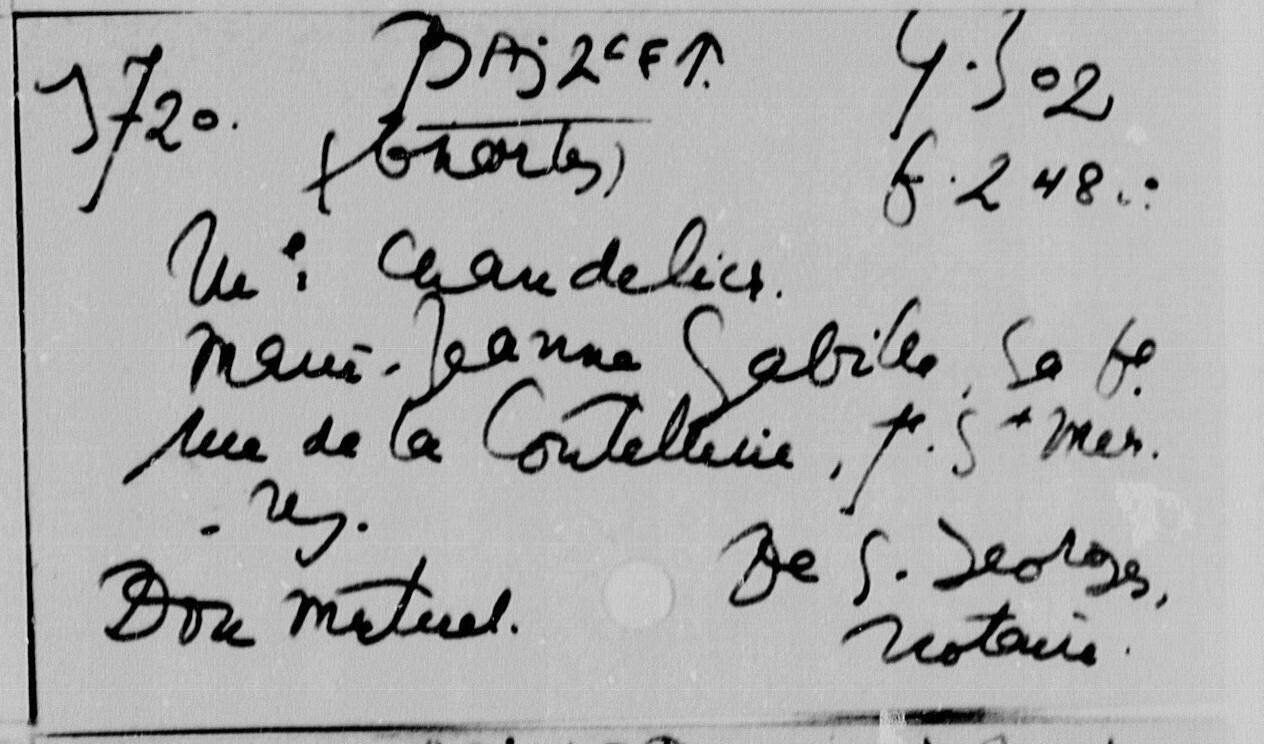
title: BAILLET (Charles)
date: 1720
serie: Y
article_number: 302
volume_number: folio 248v
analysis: Maître chandelier Marie-Jeanne Sabille, sa femme, rue de la Coutellerie, paroisse Saint-Merry Don mutuel De Saint Georges, notaire
